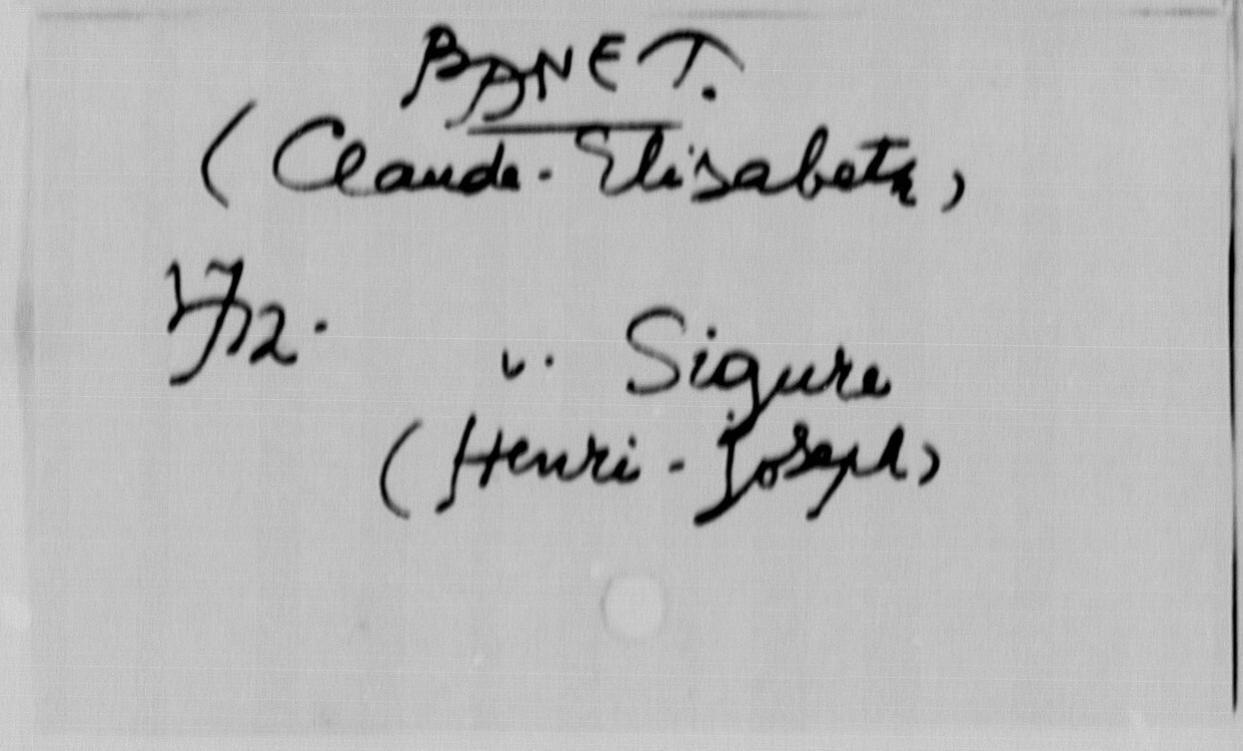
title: BANET (Claude-Elisabeth)
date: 1712
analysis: Voir Sigure (Henri-Joseph)
